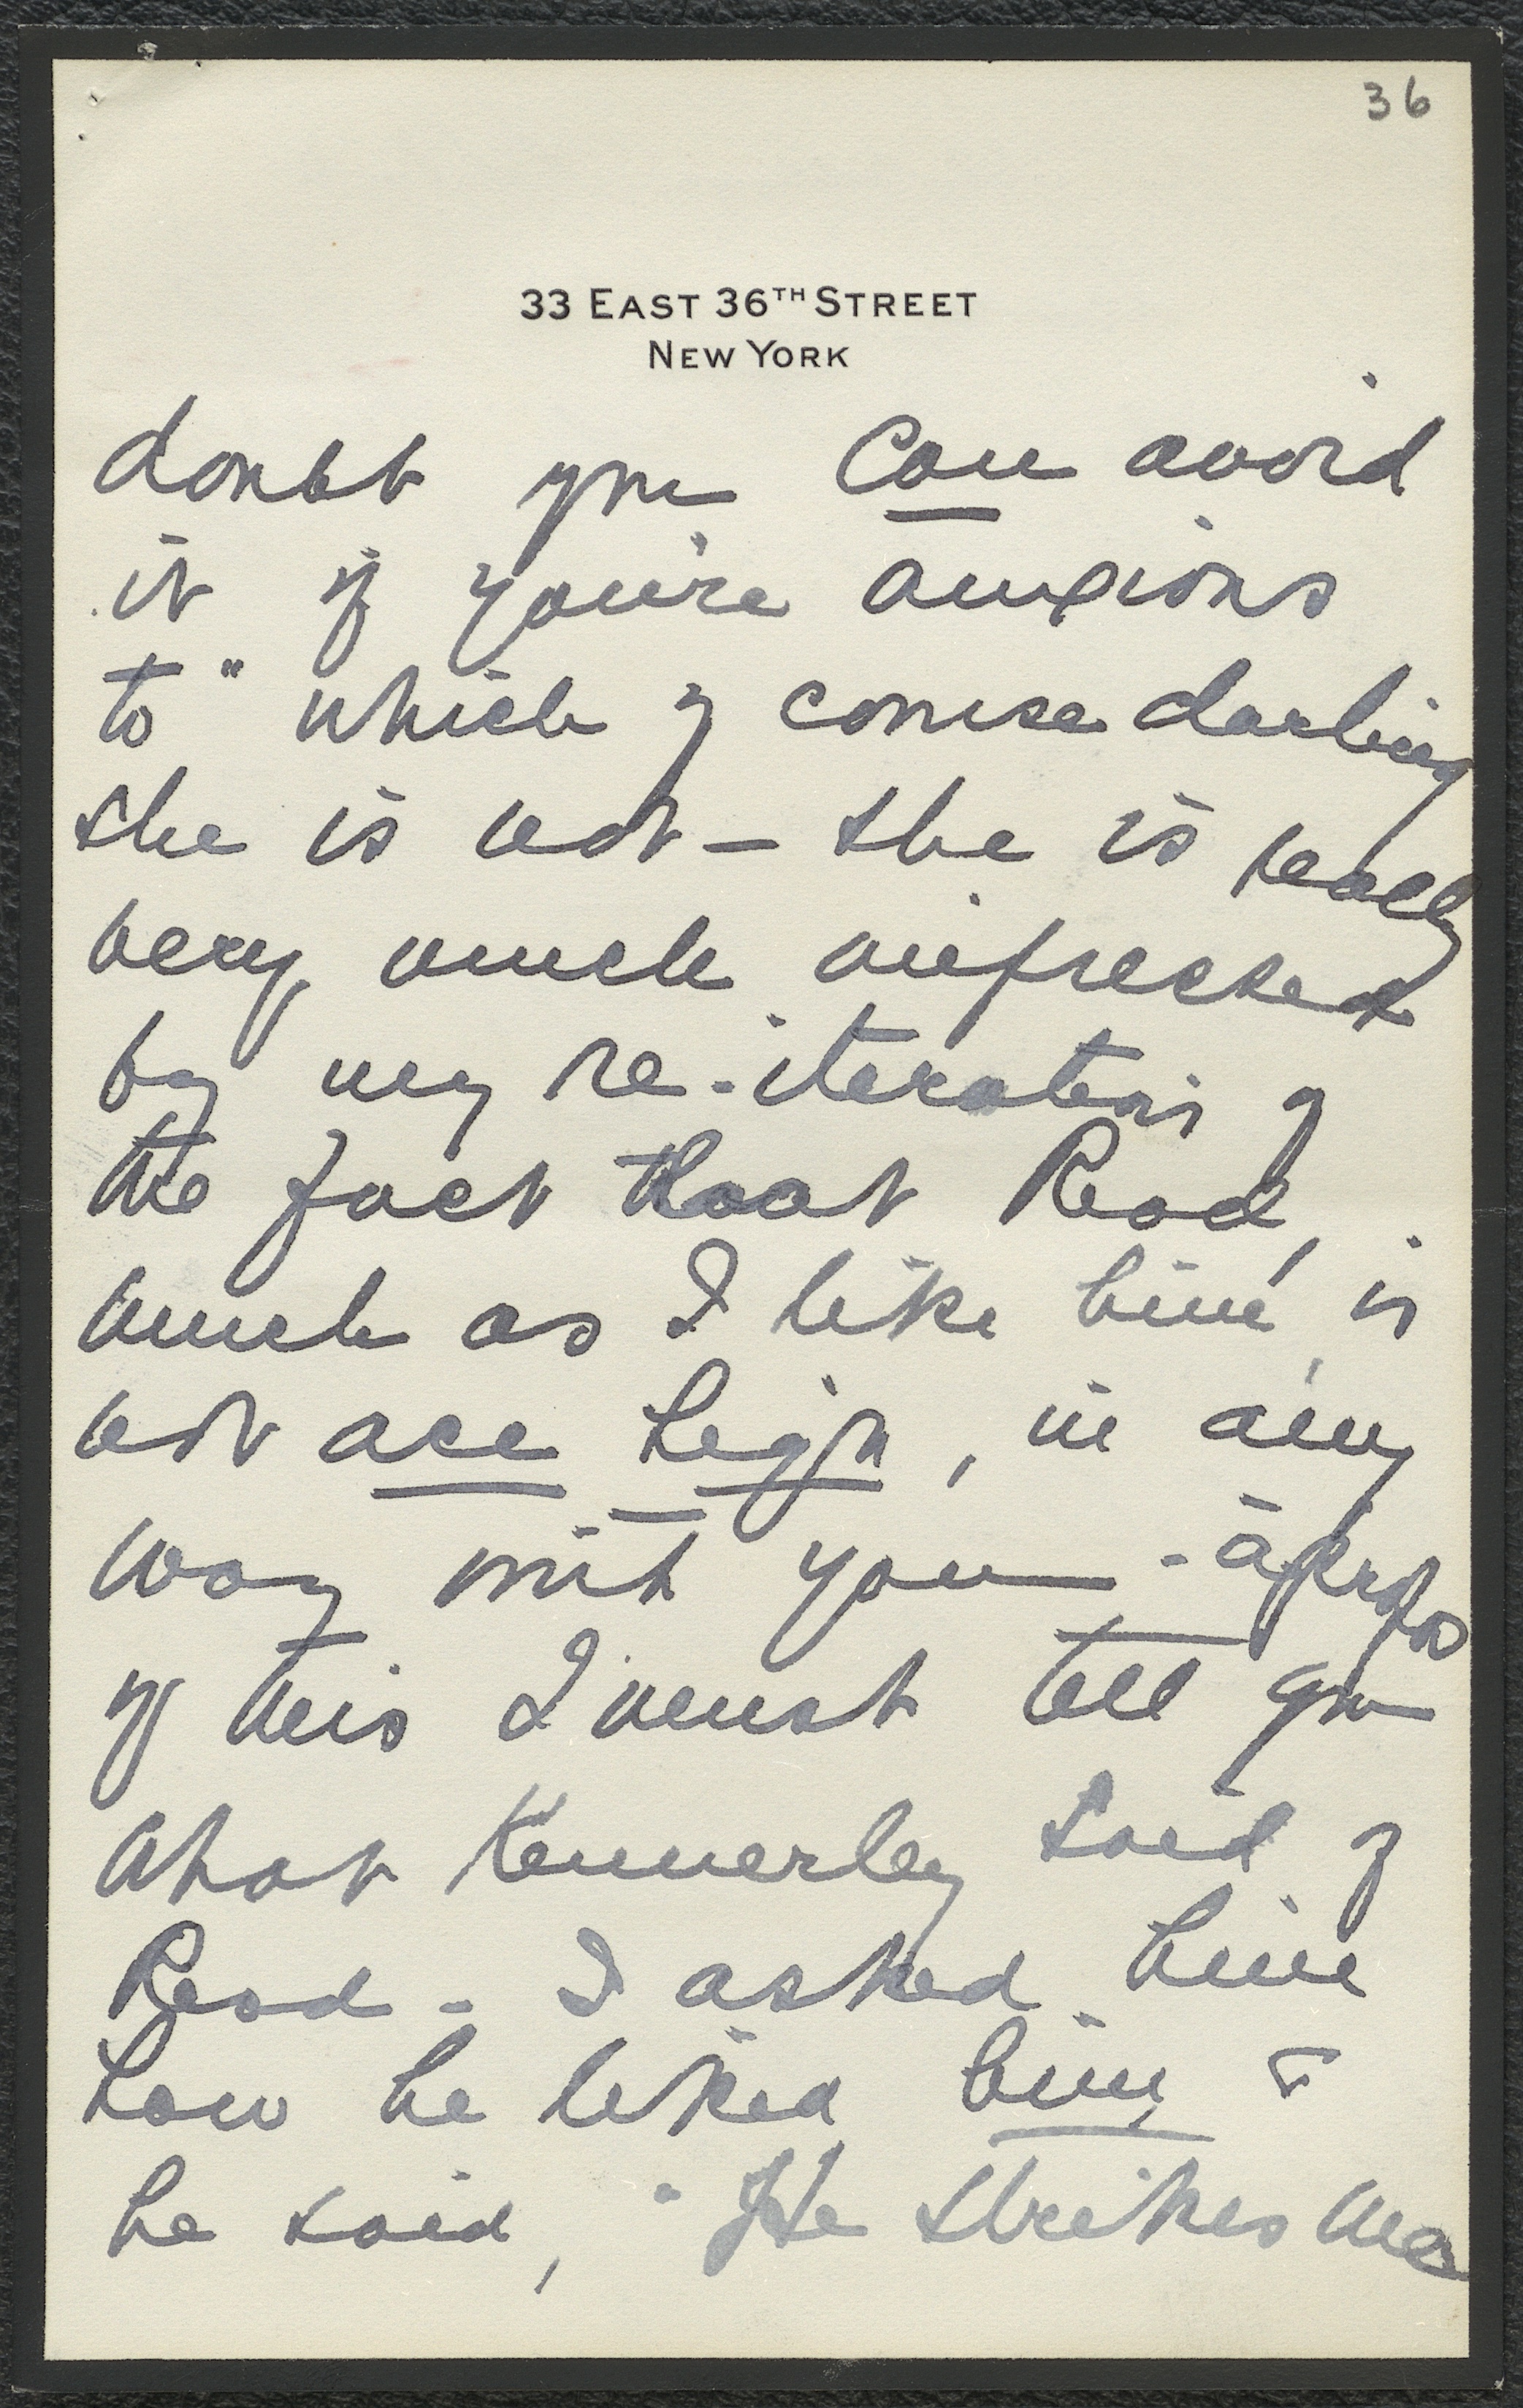doubt you can avoid it if you’re anxious to” which of course darling she is not – she is really very much impressed by my re-iteration of the fact that Read, much as I like him, is not all high, in any way with you – apropos of this I must tell you what Kennerley said of Read – I asked him how he liked him & he said, “He strikes me